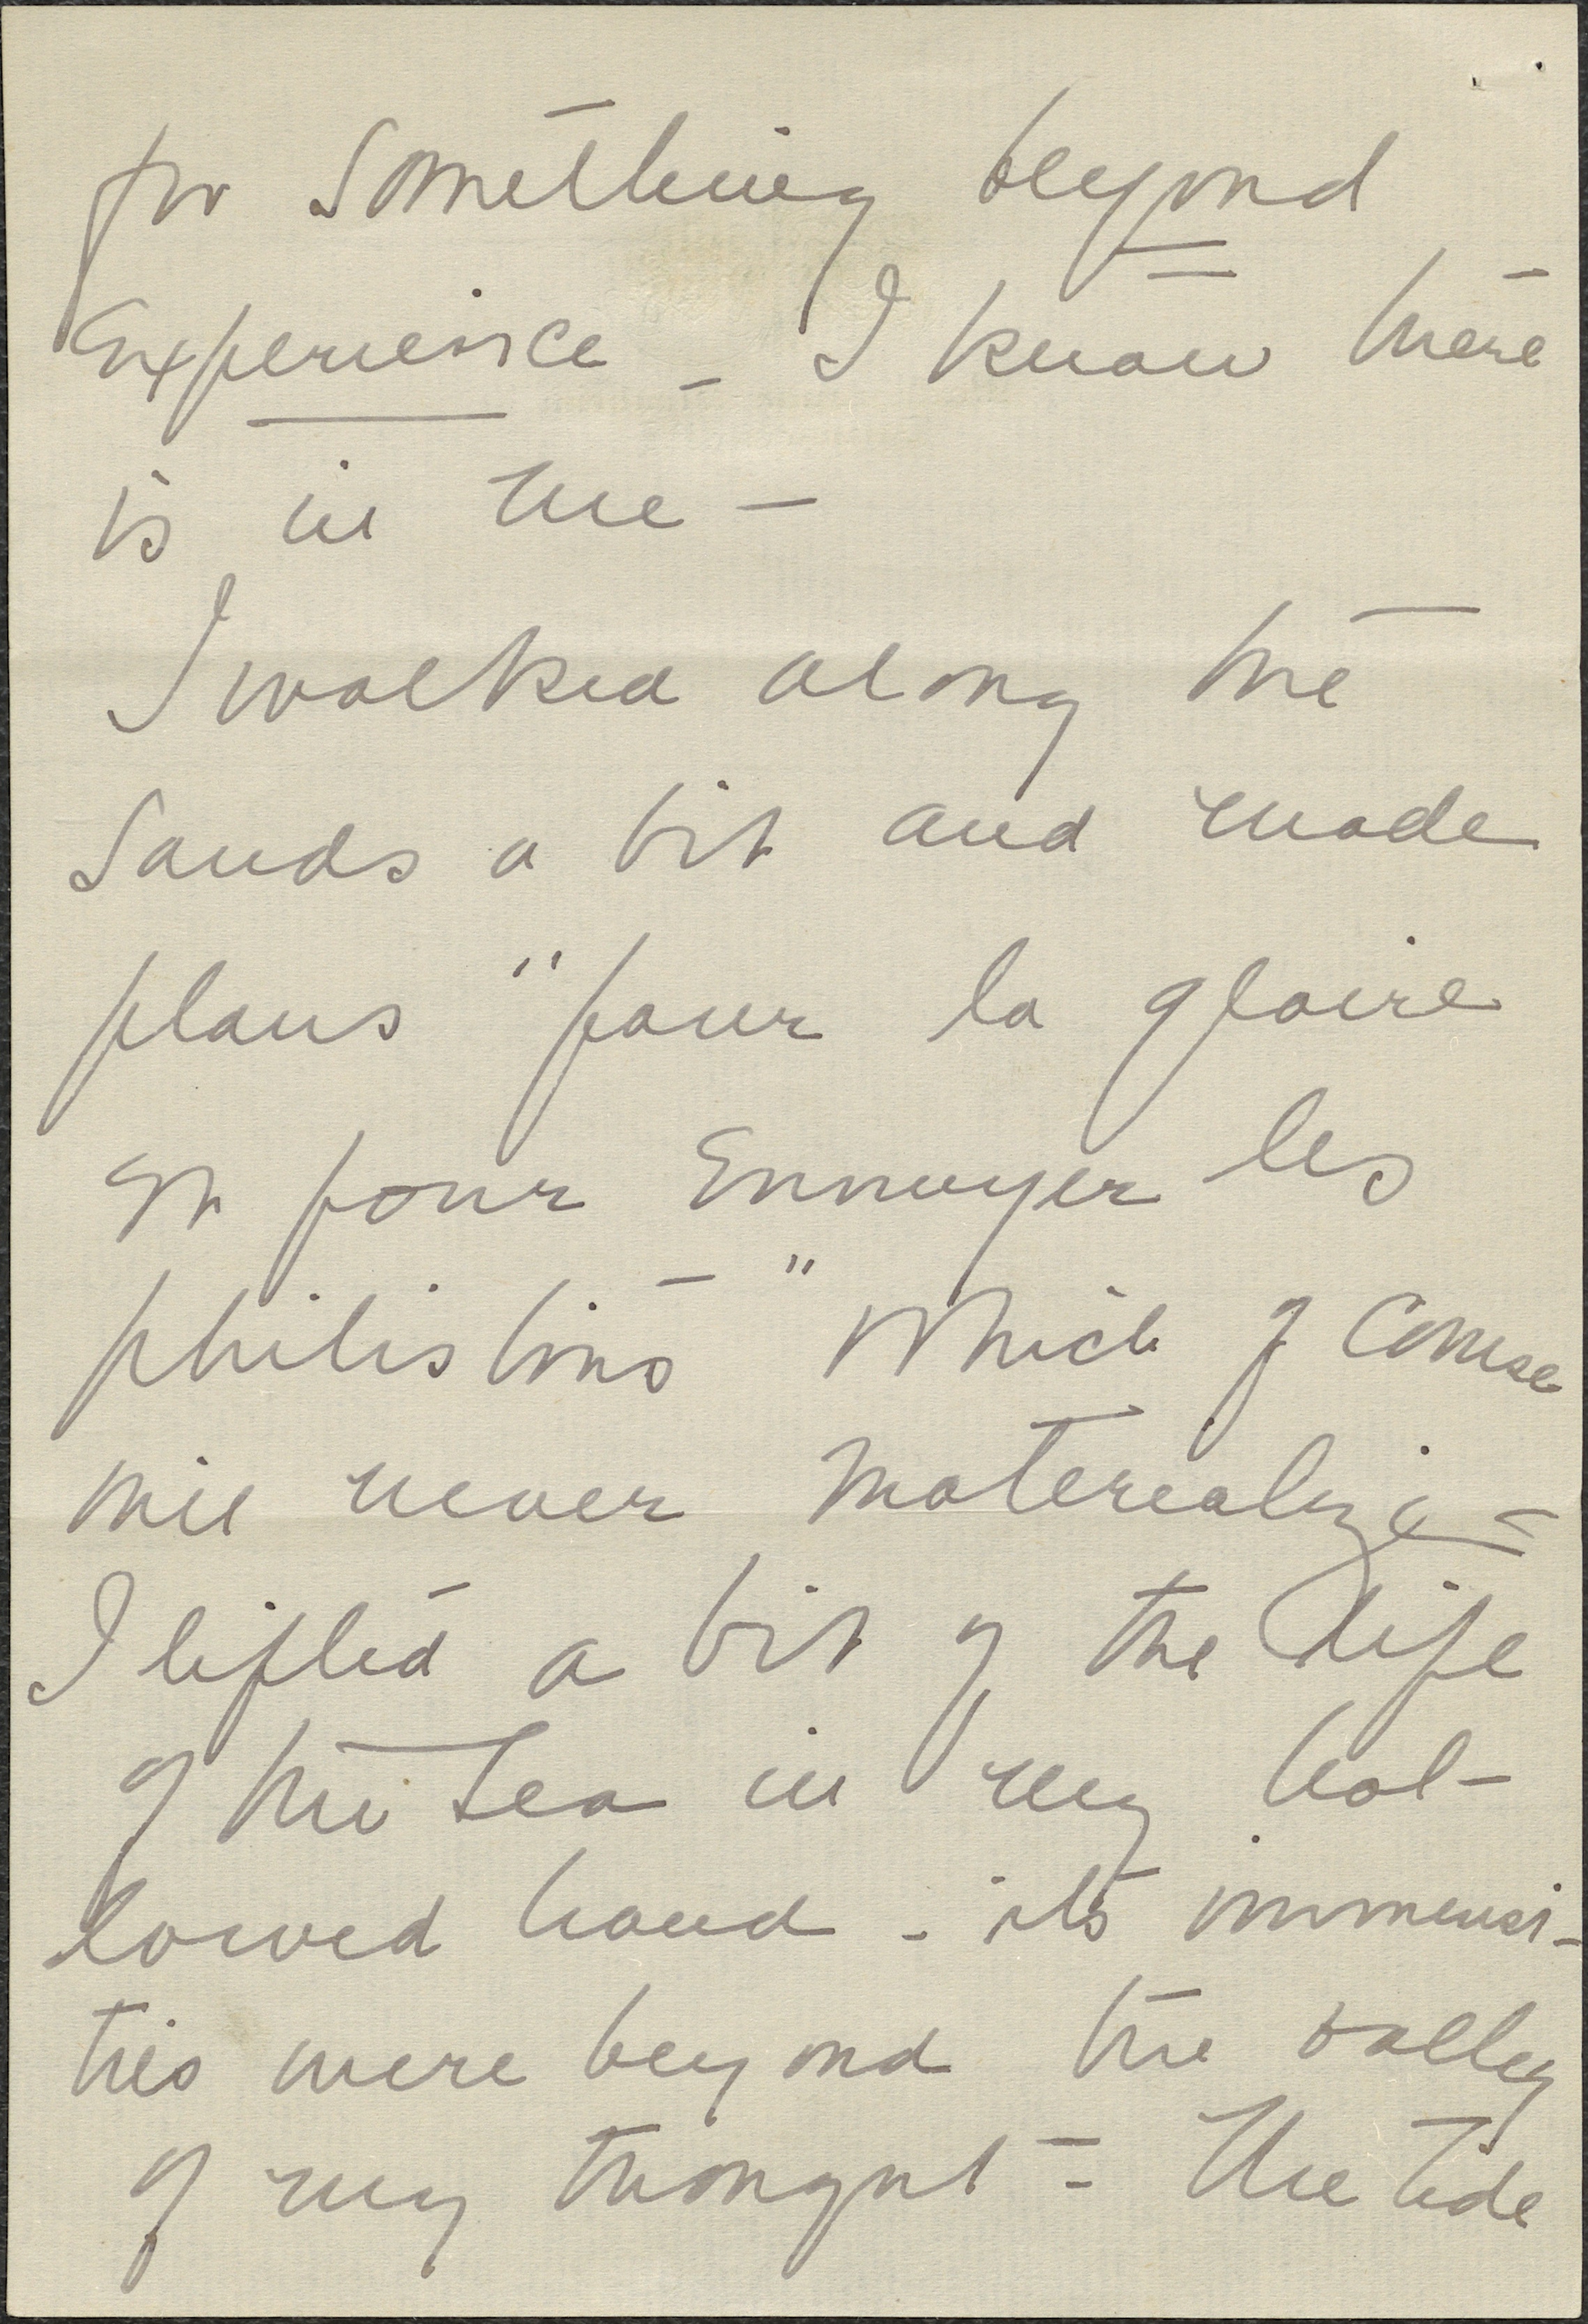for something [double underlined: beyond] experience – I know there is in me –
I walked along the sands a bit and made plans “pour la gloire et pour ennuyer les philistins” which of course will never materialize – I lifted a bit of the life of the sea in my hollowed hand – its immensities were beyond the valley of my thought – The tide